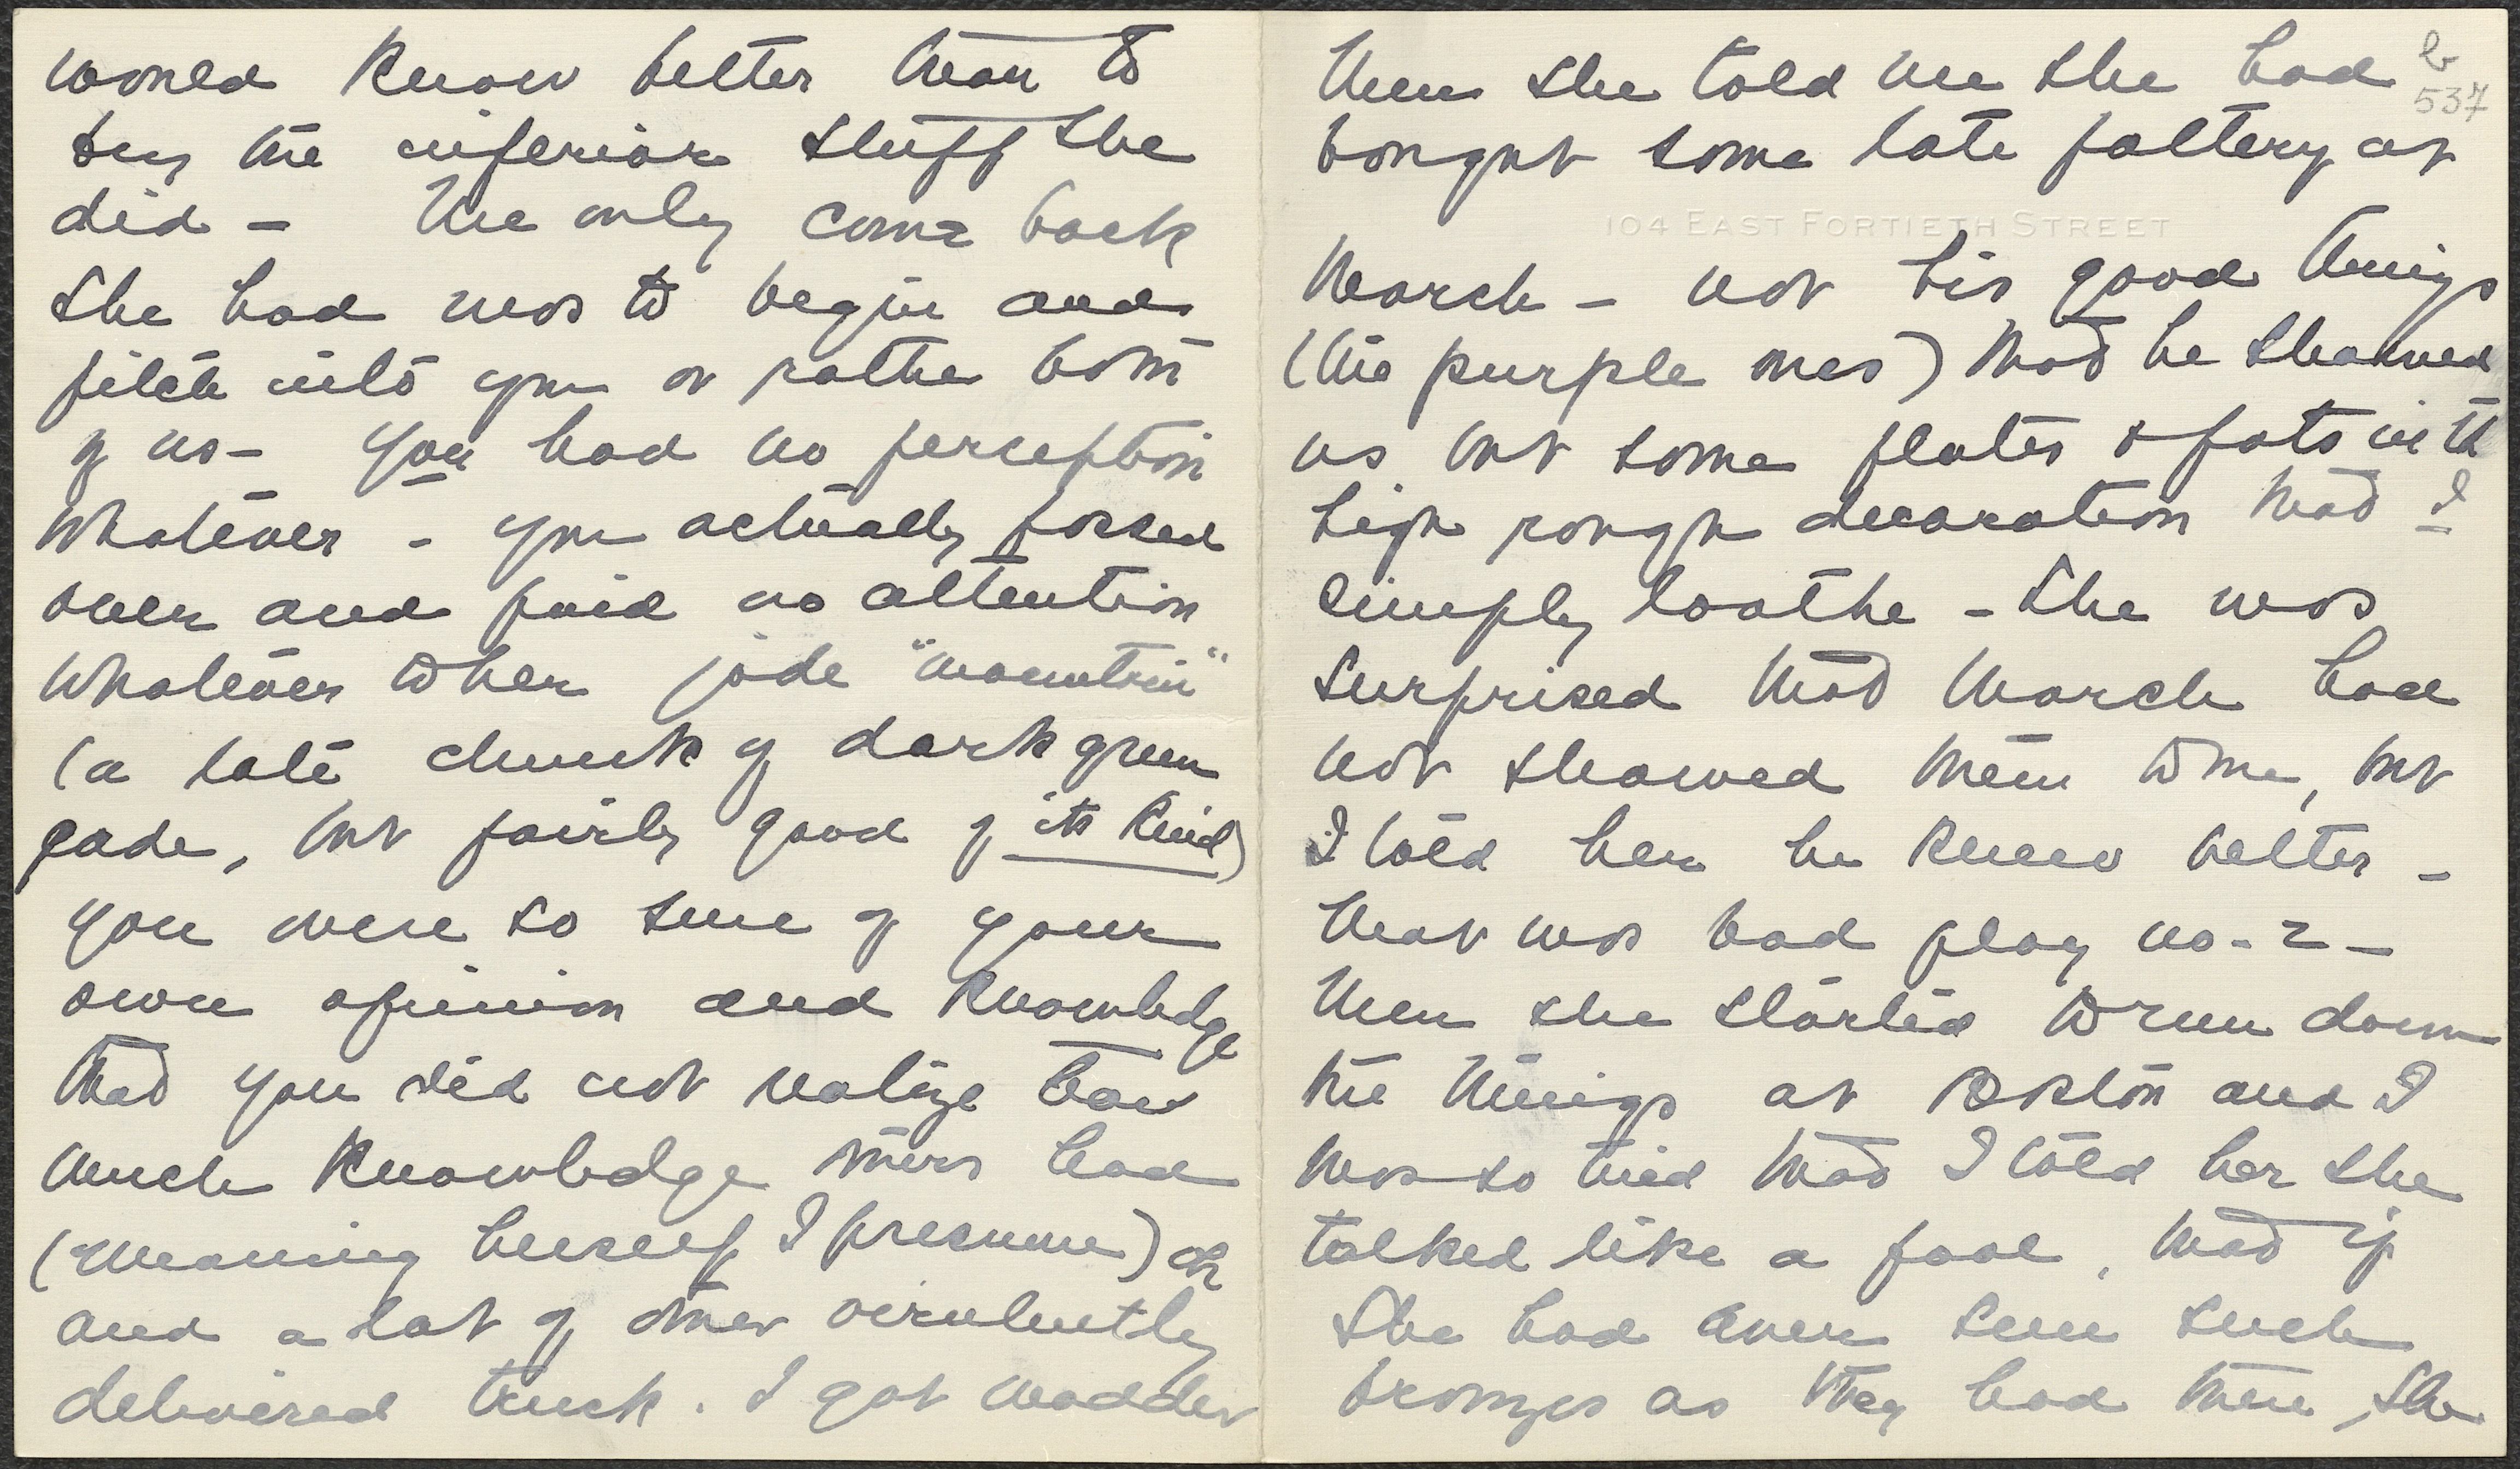Then she told me she had bought some late pottery at Worch – not his good things (the purple ones) that he showed us but some plates & pots with high rough decoration that I simply loathe – she was surprised that Worch had not showed them to me, but I told her he knew better – that was bad play no. 2 – Then she started to run down the things at Boston and I was so tired that I told her she talked like a fool, that if she had ever seen such bronzes as they had there, she
would know better than to buy the inferior stuff she did – The only come back she had was to begin and pitch into you or rather both of us – You had no perception whatever – you actually passed over and paid no attention whatever to her jade “mountain” (a late chunk of dark green jade, but fairly good of its kind) you were so sure of your own opinion and knowledge that you did not realize how much knowledge others had (meaning herself I presume) oh and a lot of other virulently delivered truck. I got madder